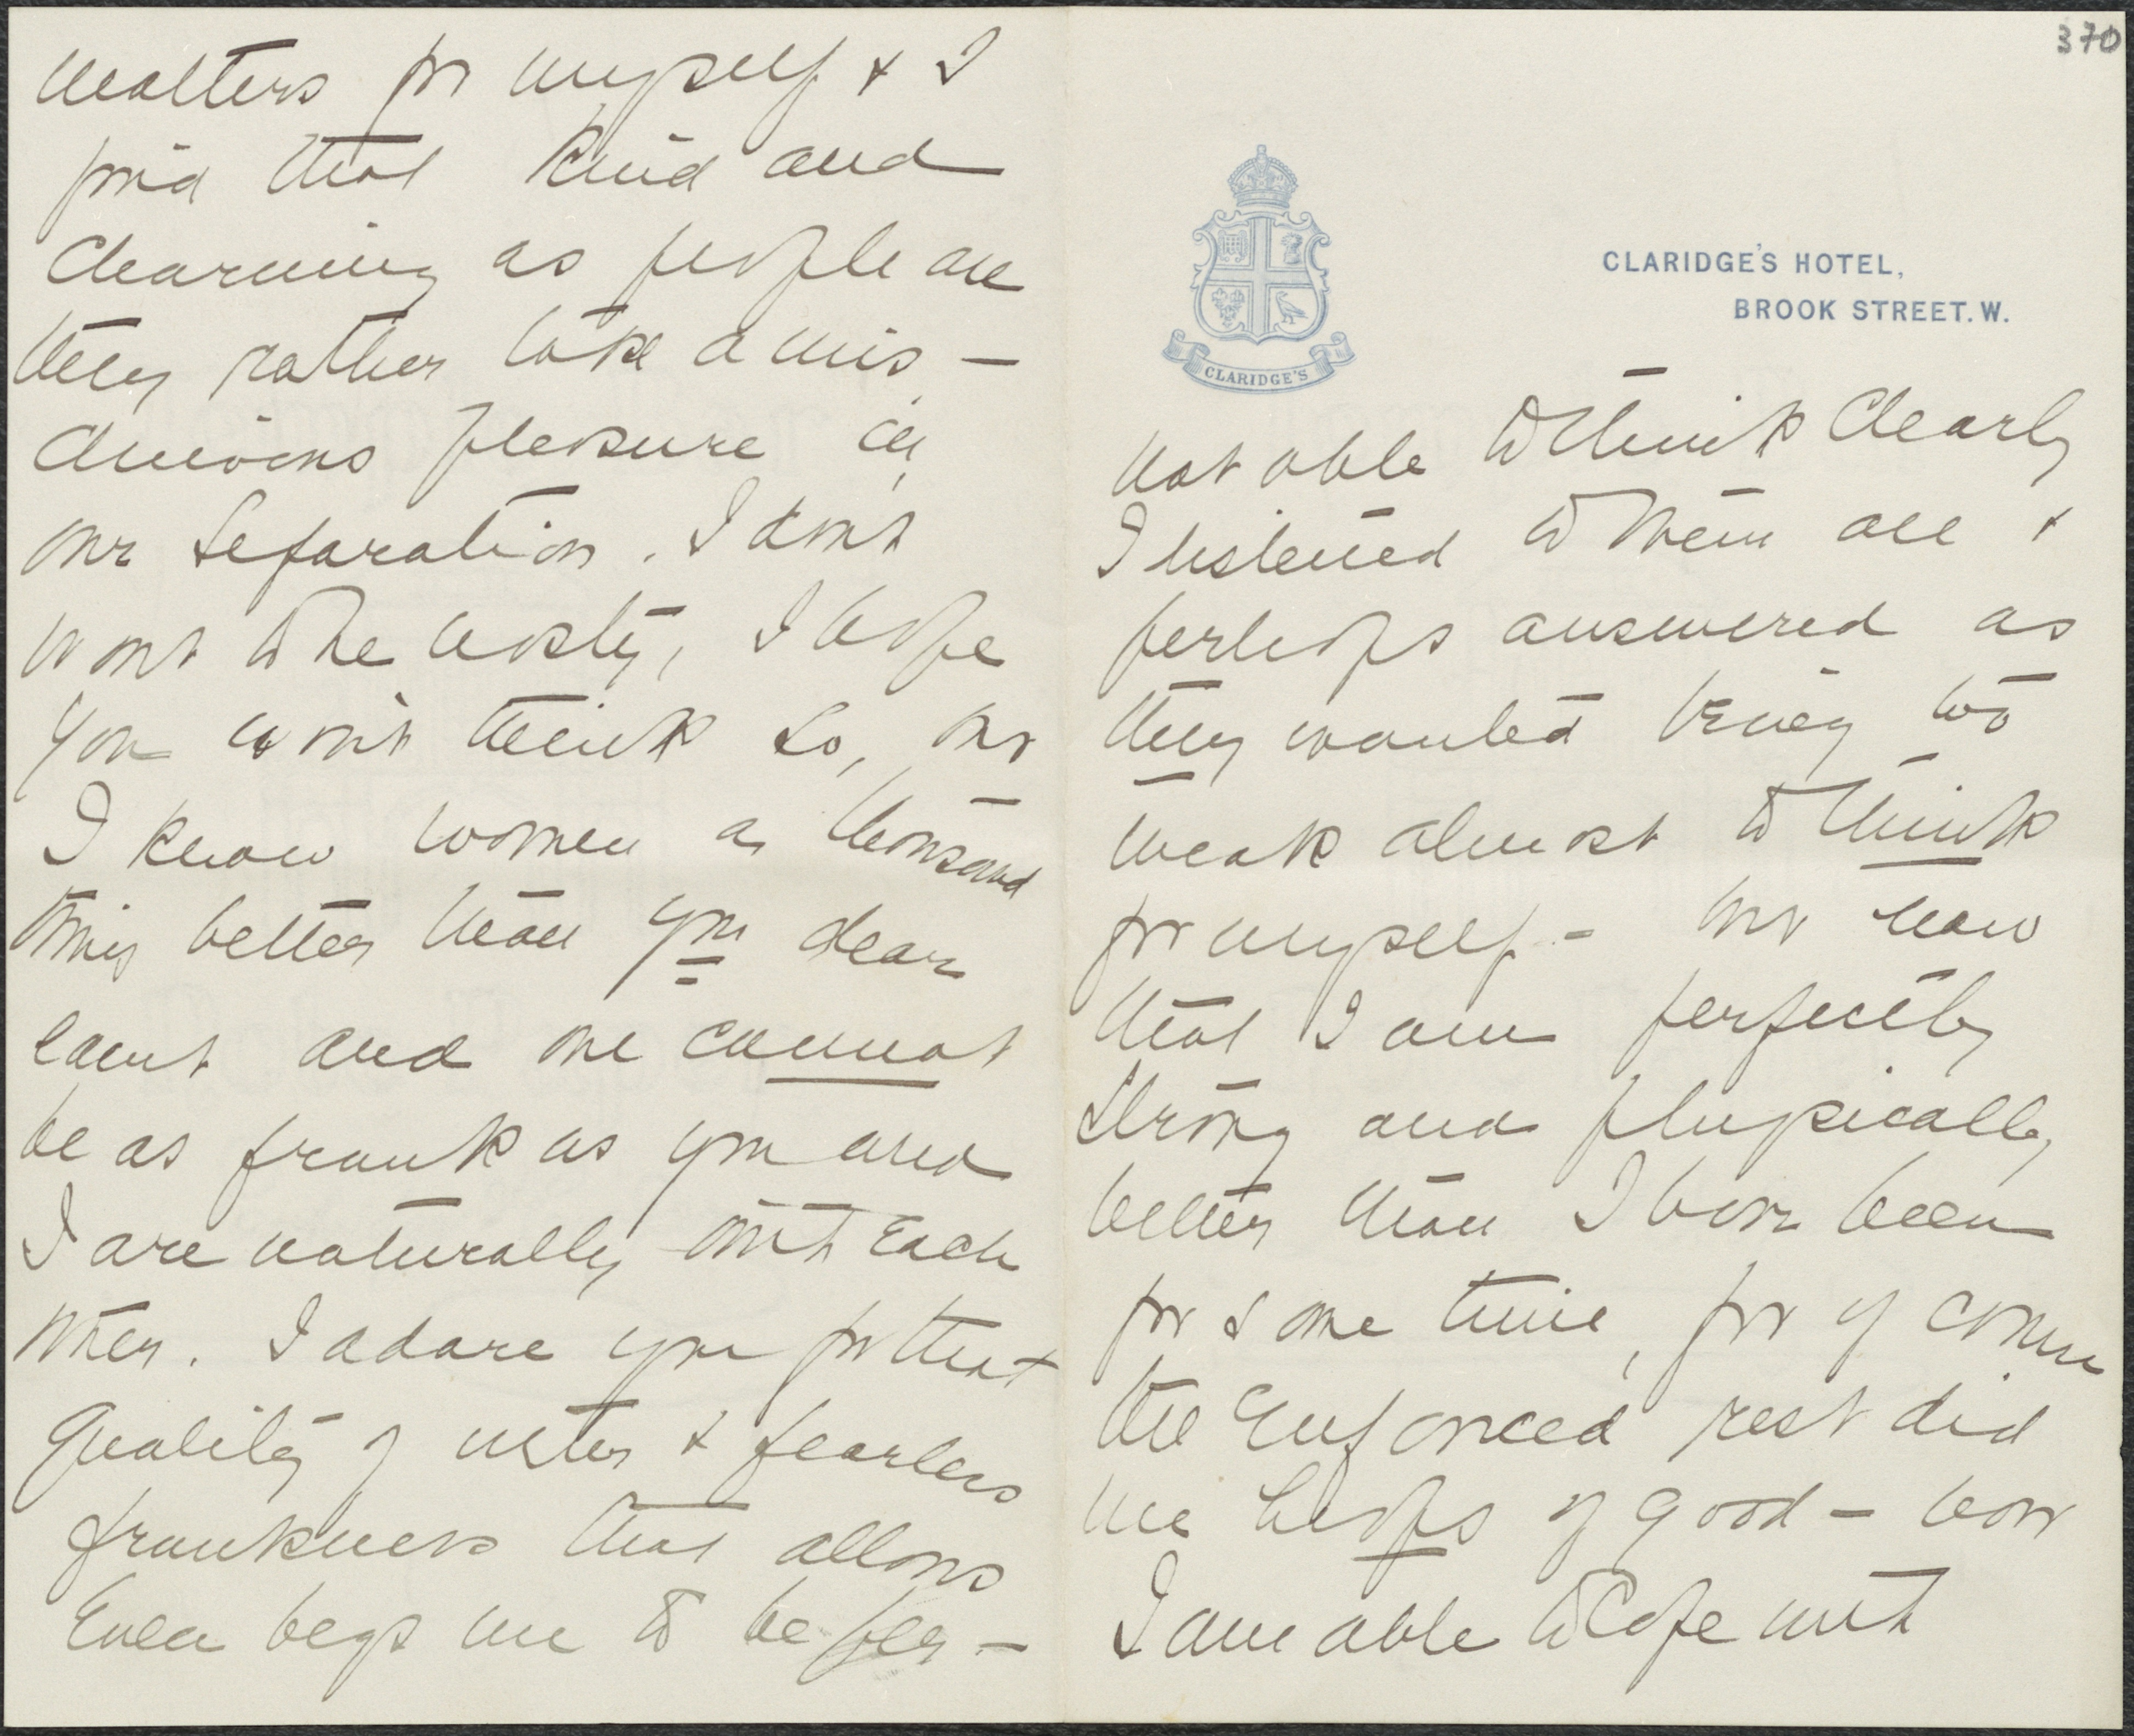not able to think clearly I listened to them all & perhaps answered as they wanted being too weak almost to think for myself – but now that I am perfectly strong and physically better than I have been for some time, for of course the enforced rest did me heaps of good – now I am able to cope with
matters for myself & I find that kind and charming as people are they rather take a mischievous pleasure in our Separation. I don’t want to be nasty, I hope you won’t think so, but I know women a thousand times better than [double underlined: you] dear lamb and one cannot be as frank as you and I are naturally with each other. I adore you for that quality of utter & fearless frankness that allows even begs me to be perfectly